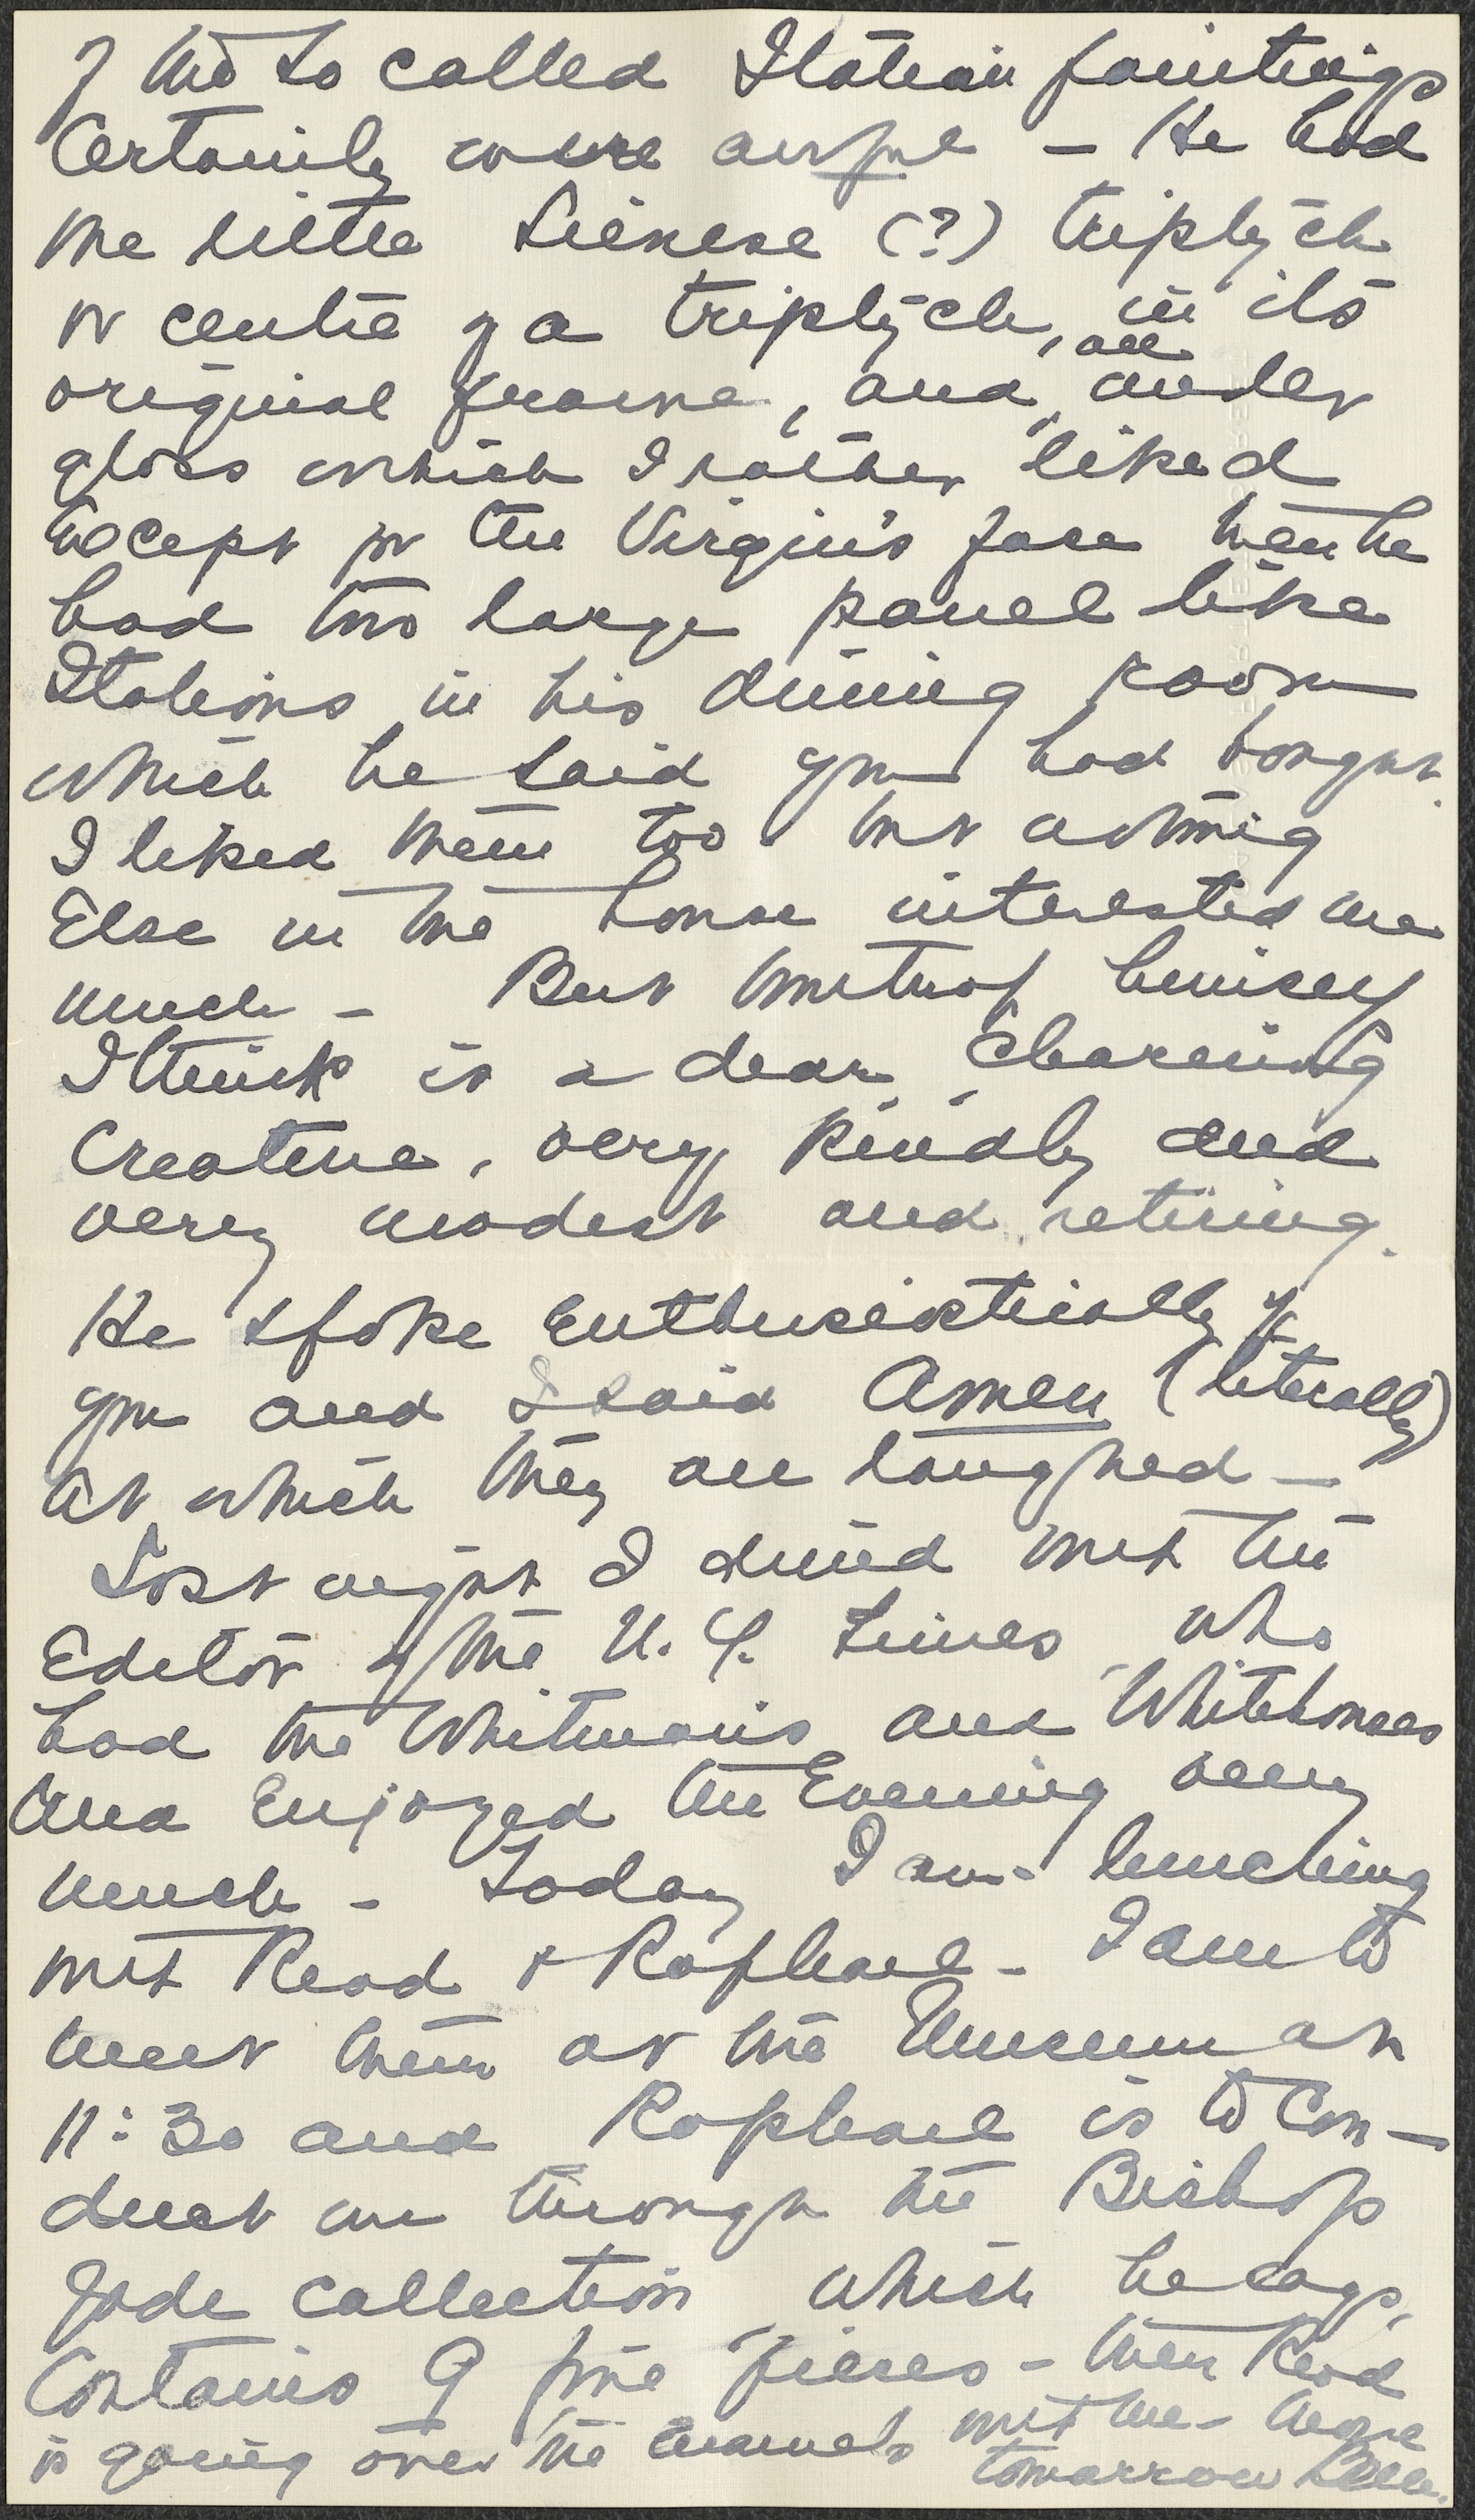of his so called Italian paintings certainly were awful – He had one little Sienese (?) triptych or centre of a triptych, in its original frame, and [^all^] under glass which I rather liked except for the Virgin's face then he had two large panel like Italians, in his dining room which he said you had bought. I liked them too but nothing else in the house interested me much – But Winthrop himself I think is a dear, charming creature, very kindly and very modest and retiring. He spoke enthusiastically of you and I said Amen (literally) at which they all laughed – last night I dined with the editor of the N.Y. Times who had the Whitman's and Whitehouses and enjoyed the evening very much – Today I am lunching with Read & Raphael – I am to meet them at the Museum at 11:30 and Raphael is to conduct me through the Bishop Jade collection, which he says contains 9 fine pieces – then Read is going over the enamels with me – more tomorrow Belle.